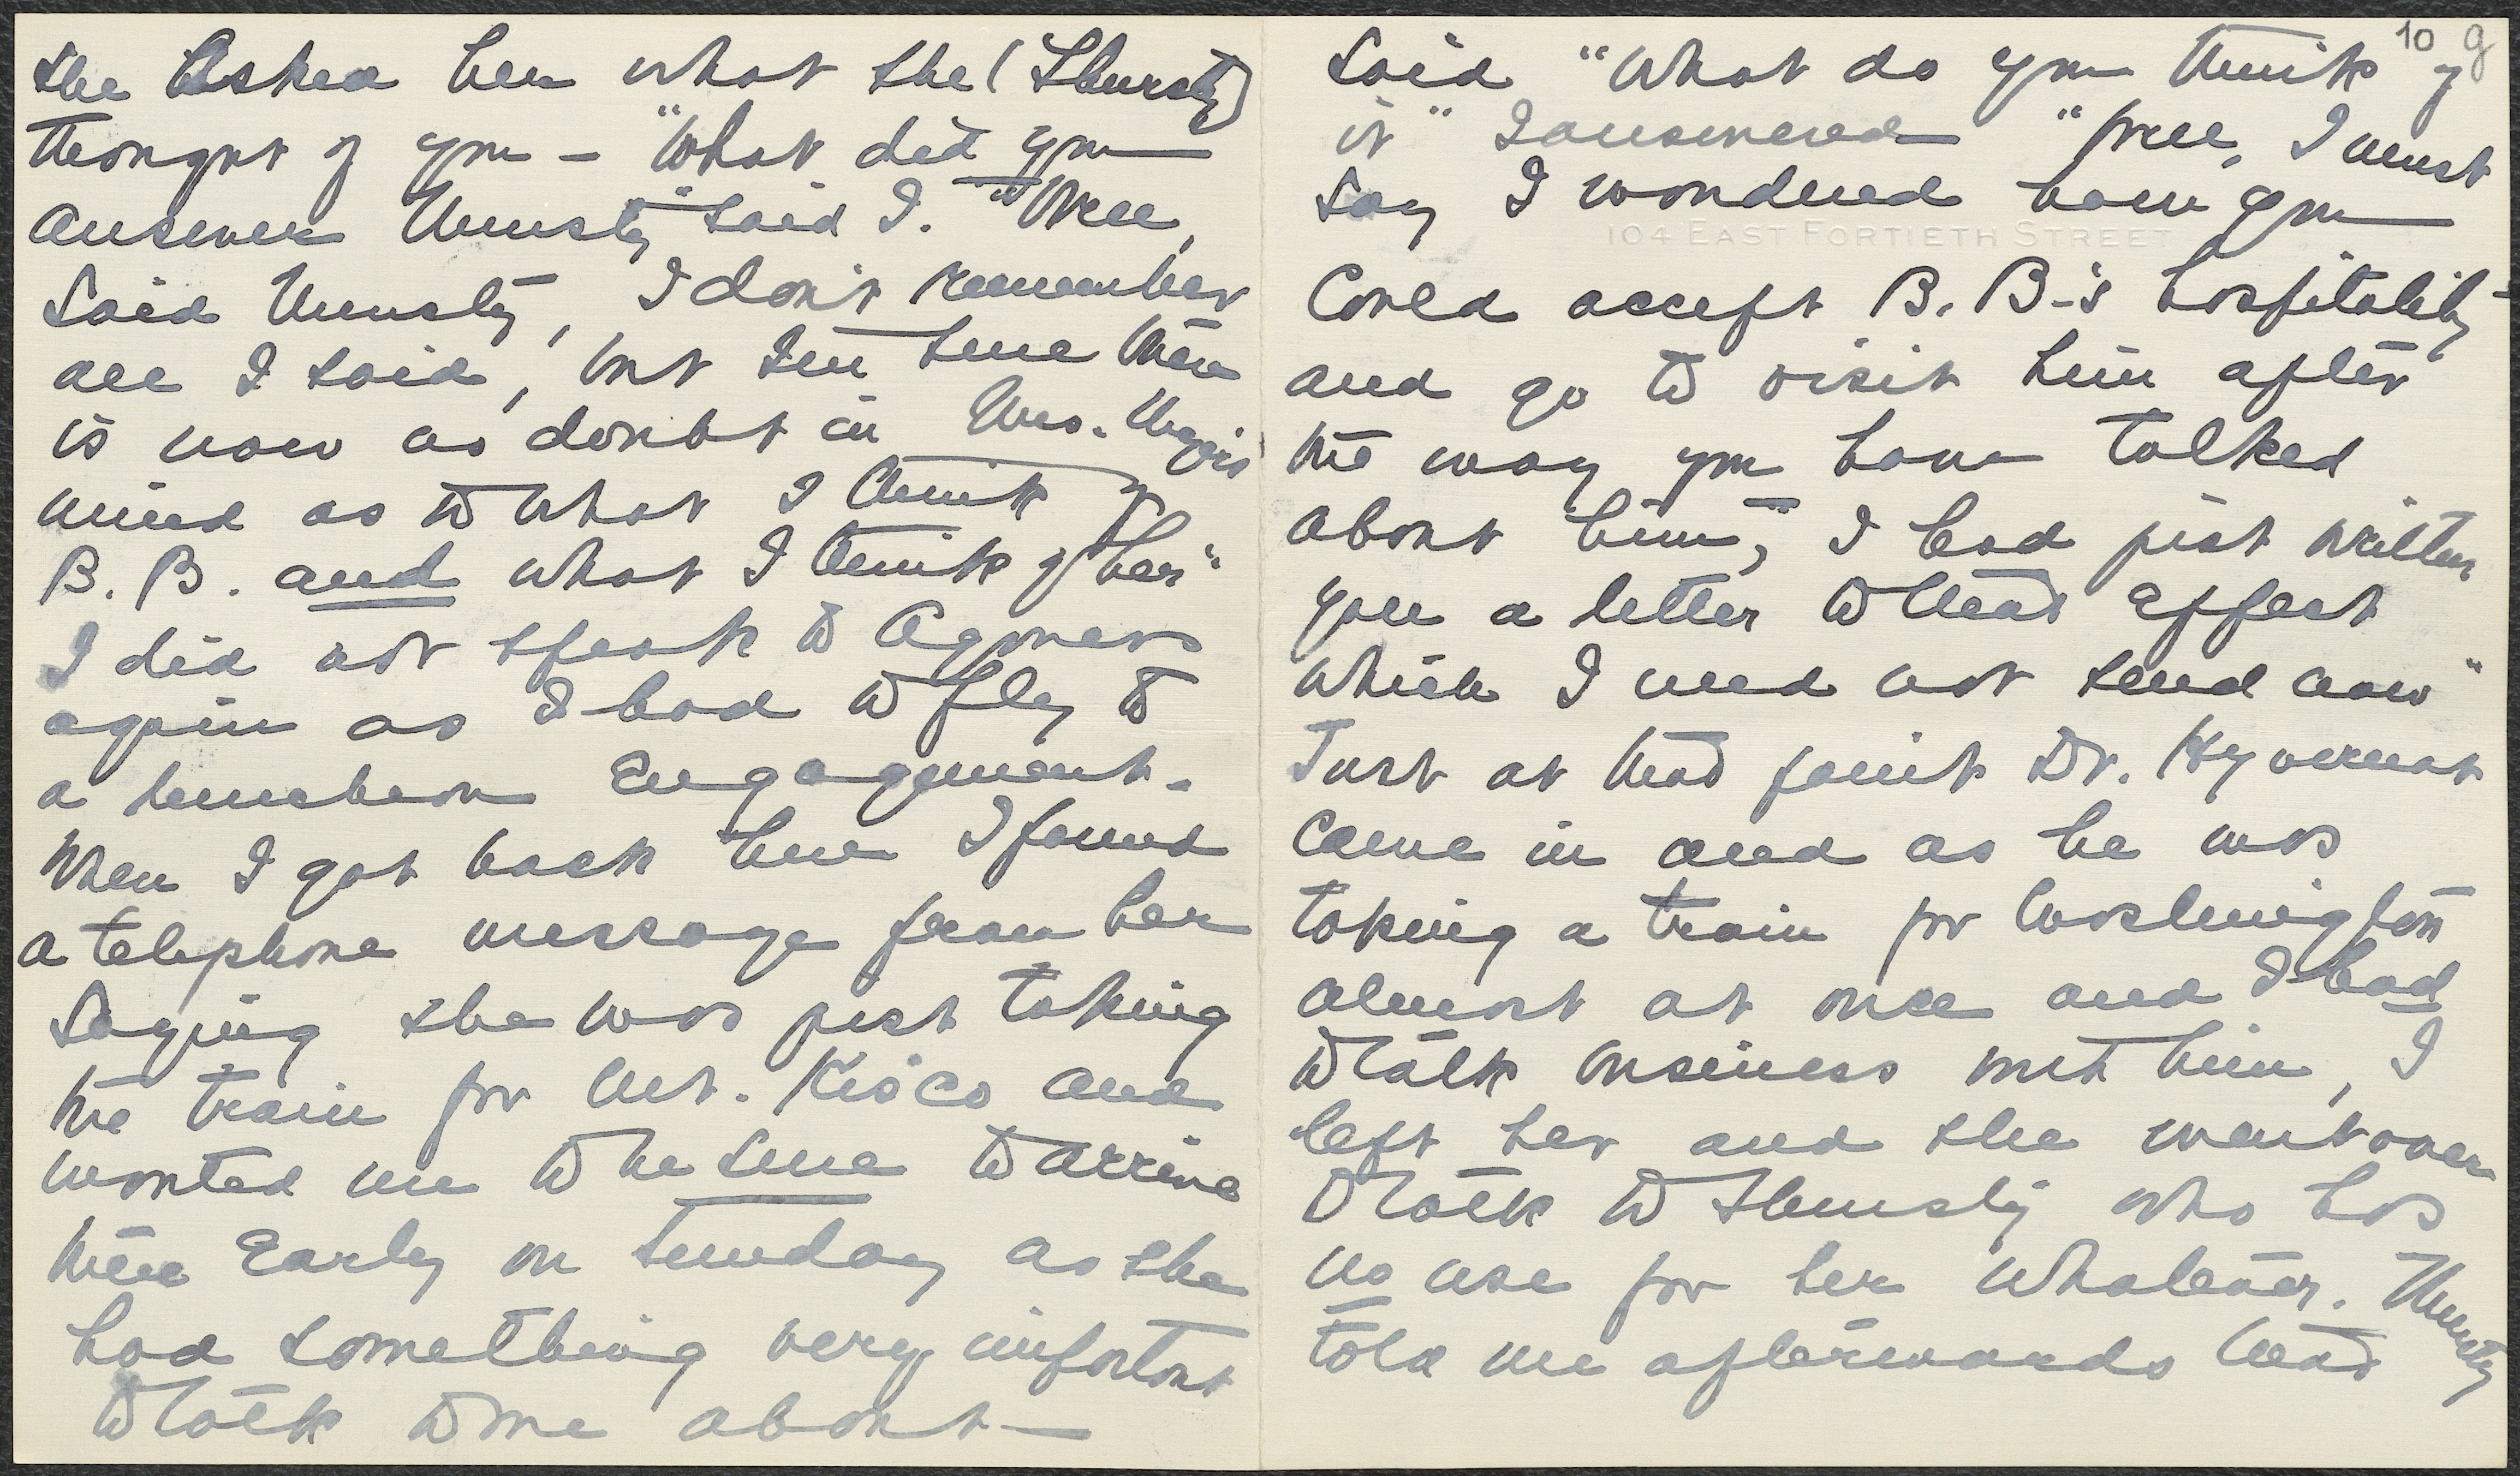said "What do you think of it" I answered "Well, I must say I wondered how you could accept B.B.'s hospitality and go to visit him after the way you have talked about him," I had just written you a letter to that effect which I need not send now" Just at that point Dr. Hyvernat came in and as he was taking a train for Washington almost at once and I had to talk business with him, I left her and she went over to talk to Thursty who has no use for her whatever. Thursty told me afterwards that
she asked her what she (Thursty) thought of you – "What did you answer Thursty" said I. "Well, said Thursty, I don't remember all I said, but I'm sure there is now no doubt in Mrs. Magir's mind as to what I think of B.B. and what I think of her" I did not speak to Agoness again as I had to fly to a luncheon engagement – When I got back here I found a telephone message from her saying she was just taking the train for Mt. Kisco and wanted me to be sure to arrive there early on Sunday as she had something very important to talk to me about –